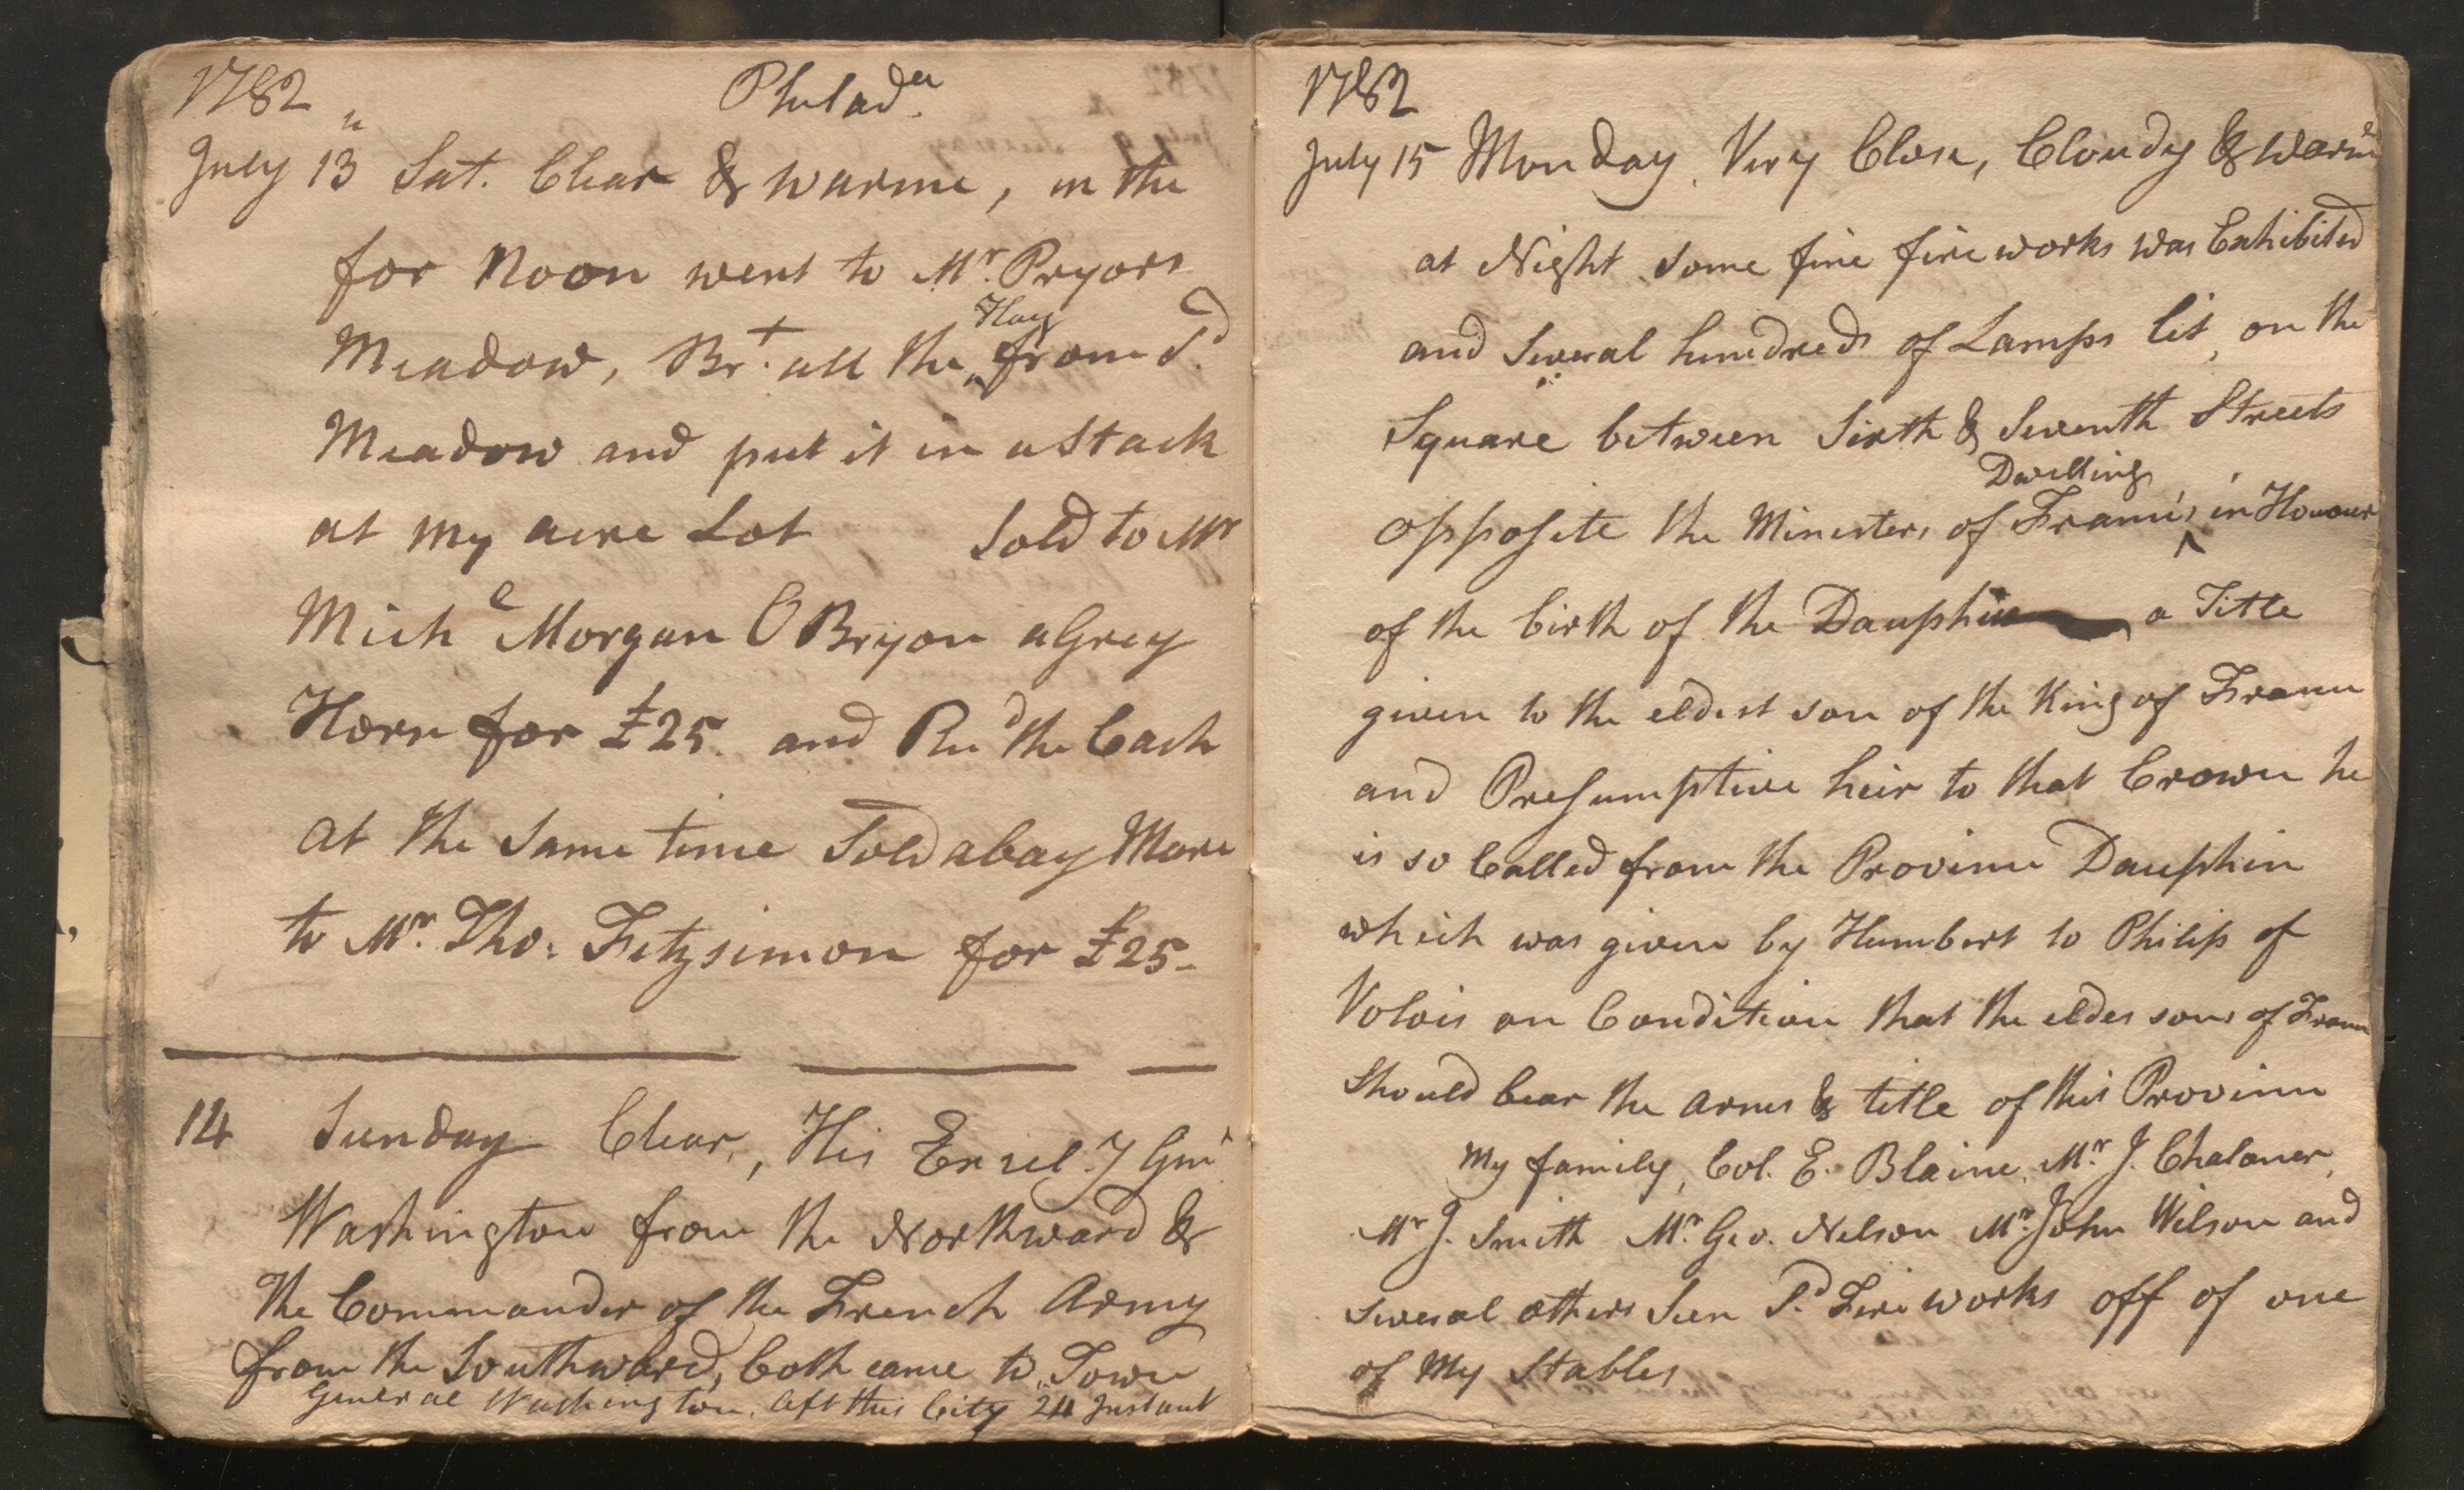1782
Philad^a.
July 13^h Sat. Clear & warme, in the
for noon went to M^r. Pryors
Hay
Meadow, Br^t. all the ^ from s^d.
Meadow, and put it in a Stack
at my acre Lot sold to M^r
Mich^l Morgan & Bryon a Grey
Horse for £25. and Rec^d The Cach
At the Same time sold a bay Mare
to M^r. Thos. Fitzsimon for £25-
14 Sunday Clear, His Excel^y Gen^l.
Washington from the Northward &
The Commander of the French Army
from the Southward, both came to Town
General Washington, left this City 24 Instant
1782
July 15 Monday, Very Close, Cloudy & Warm^e
at Night some fine fire works was Exhibited
and Several hundreds of Lamps lit on the
Square between Sixth & Seventh Streets
Dwelling
opposite the Minesters of France's ^ in Honour
of the birth of the Dauphin a Title
given to the eldest son of the King of France
and Presumptive heir to that Crown he
is so Called from the Province Dauphin
which was given by Humbert to Philip of
Volois on Conditon that the elder sons of France
Should bear the arms & title of this Province
My family, Col. E. Blain M^r. J. Chalaner
M^r J. Smith M^r. Geo. Nelson M^r. John Wilson and
several others seen s^d. Fire works off of one
of My Stables